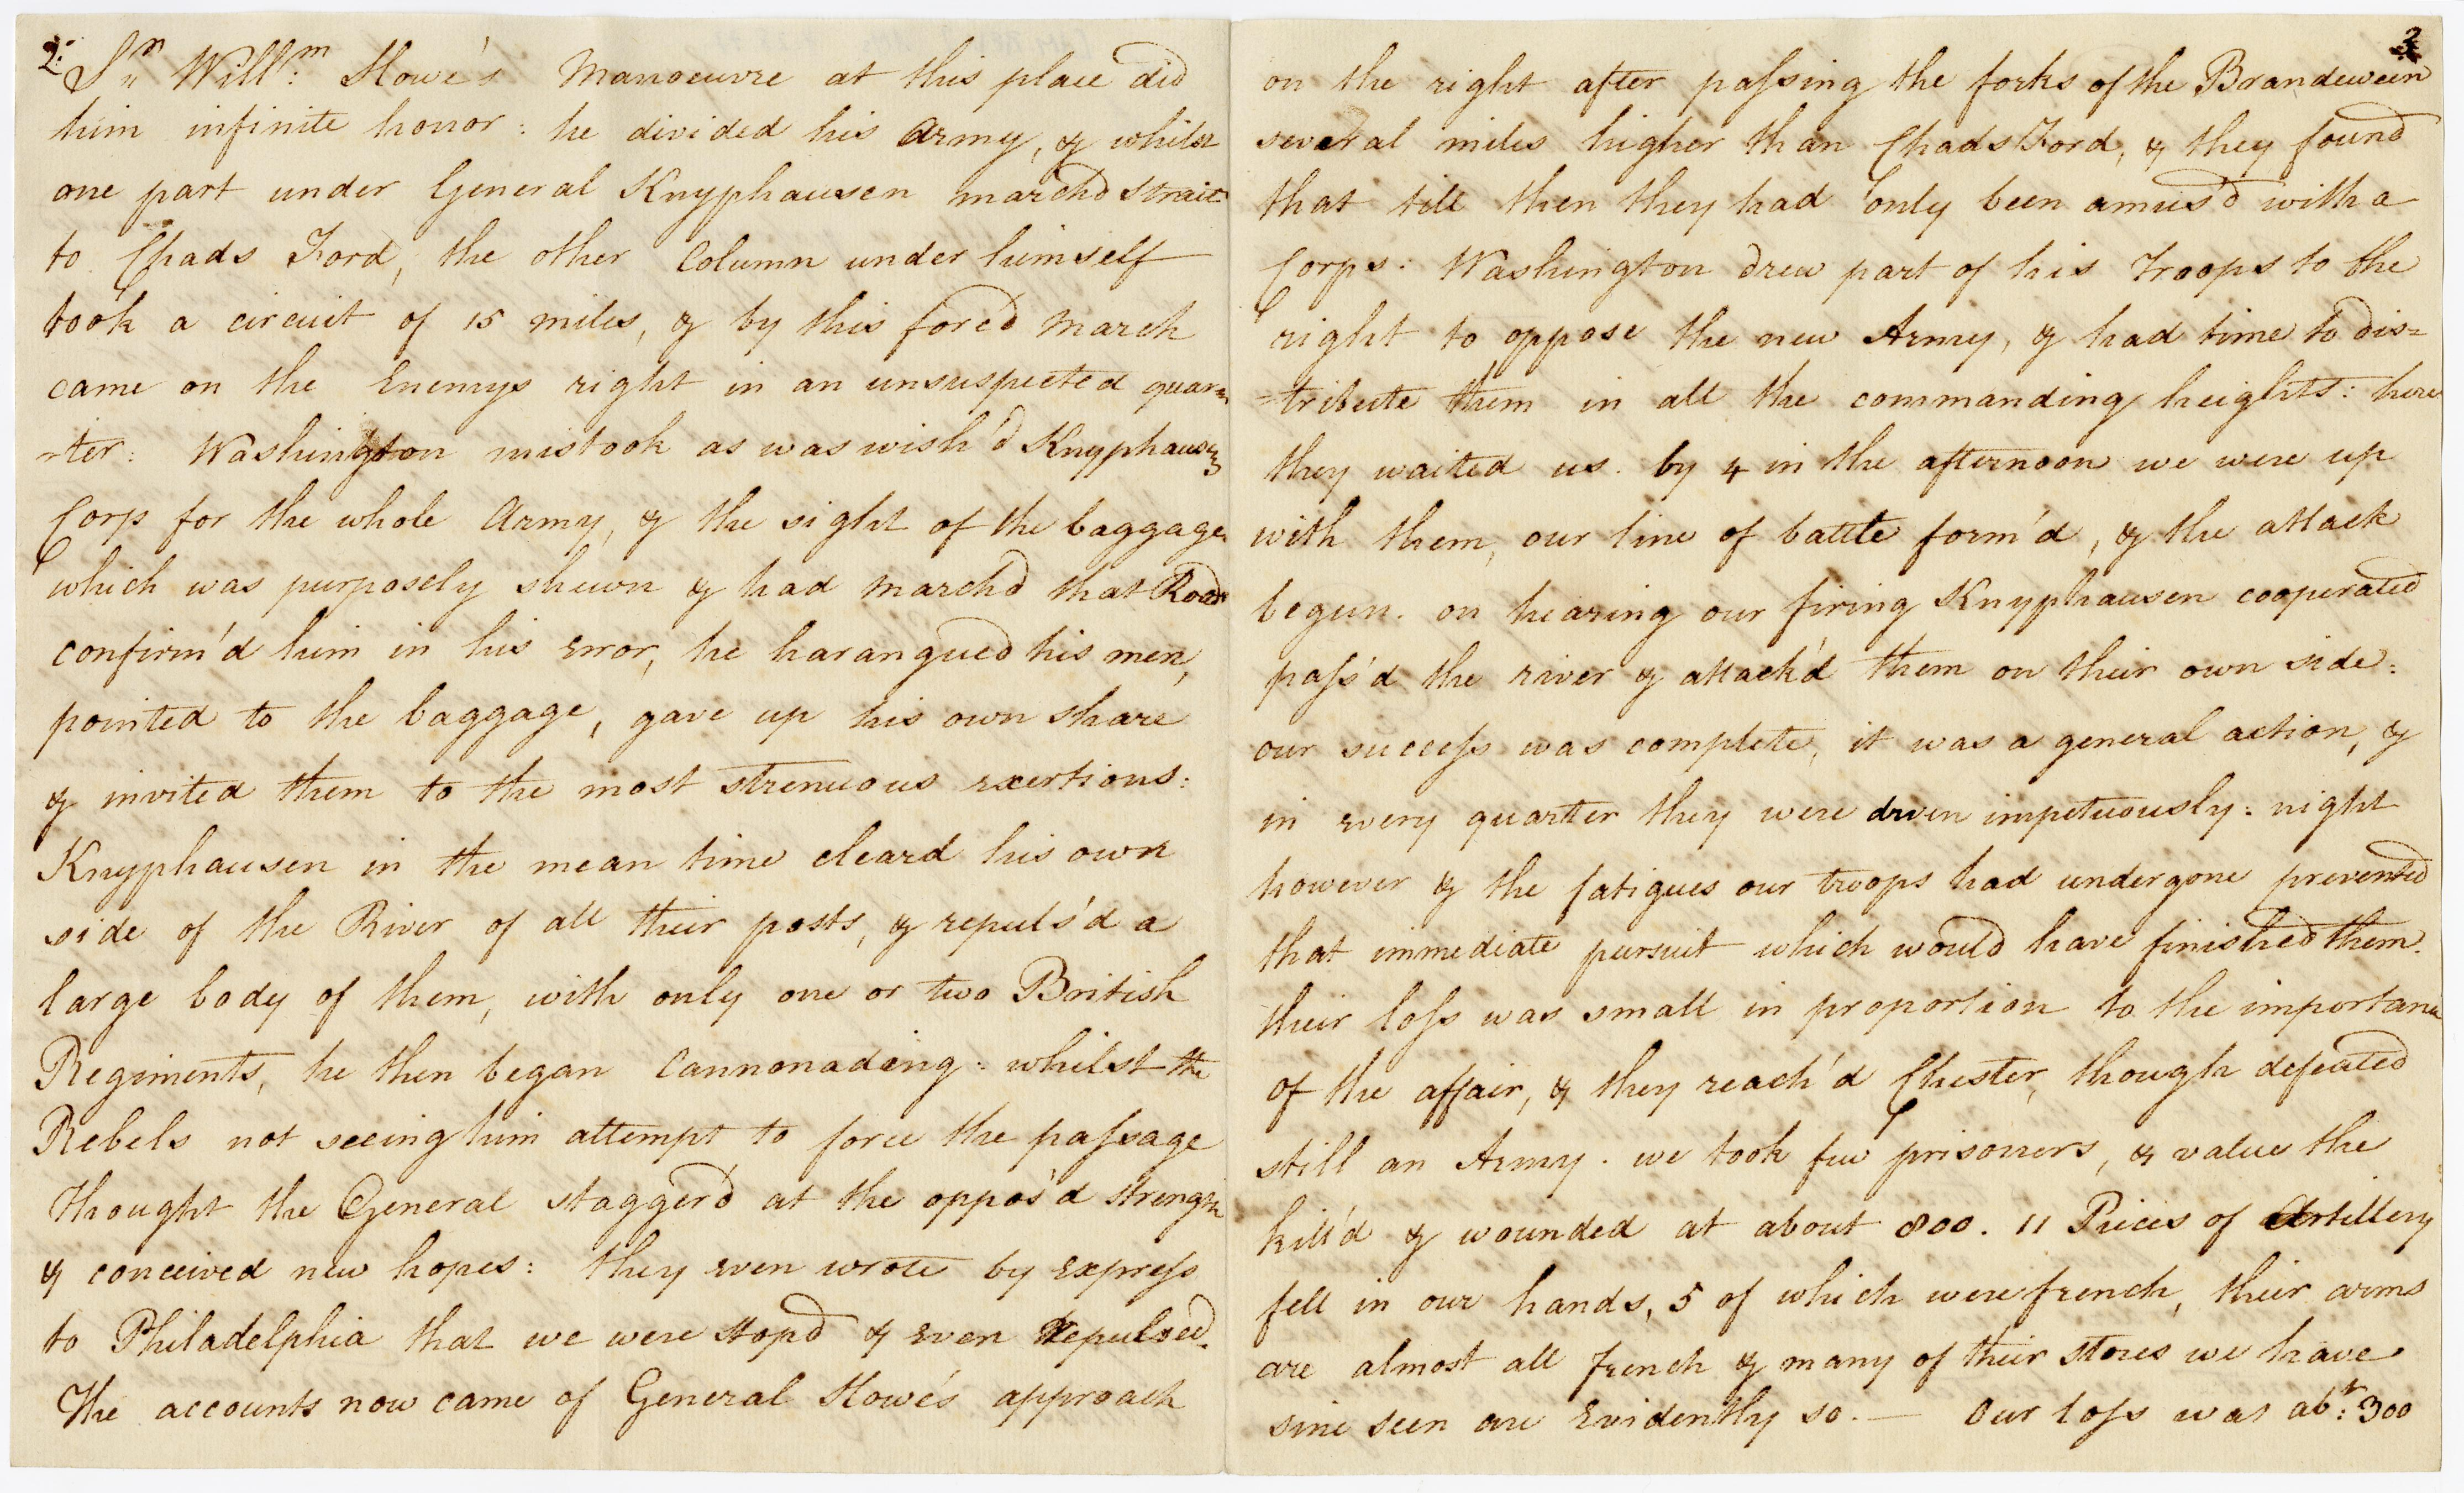S^r. Will^m: Howe's Manouvre at this place did
him infinite honor: he divided his Army, & whilst
one part under General Knyphausen marchd Strait
to Chads Ford the other Column under himself
took a circuit of 15 miles, & by this forc'd March
came on the Enemys right in an unsuspected quar-
-ter: Washington mistook as was wish'd Knyphausens
Corps for the whole Army, & the sight of the baggage,
which was purposely shewn & had marchd that Road
confirm'd him in his Error; he harangued his men,
pointed to the baggage, gave up his own share
& invited them to the most strenuous exertions:
Knyphausen in the mean time cleard his own
side of the River of all their posts, & repuls'd a
large body of them, with only one or two British
Regiments, he then began Cannonading: whilst the
Rebels not seeing him attempt to force the passage
thought the General stagger'd at the oppos'd strength
& conceived new hopes: they even wrote by Express
to Philadelphia that we were stopd & even repulsed,
The accounts now came of General Howe's approach
on the right after passing the forks of the Brandewein
several miles higher than Chads Ford, & they found
that till then they had only been amus'd with a
Corps: Washington drew part of his Troops to the
right to oppose the new Army, & had time to dis-
-tribute them in all the commanding heights: here
they waited us. by 4 in the afternoon we were up
with them, our tine of battle form'd, & the attack
begun. on hearing our firing Knyphausen cooperated
pass'd the river & attack'd them on their own side:
our success was complete, it was a general action, &
in every quarter they were driven impetuously: night
however & the fatigues our troops had undergone prevented
that immediate pursuit which would have finished them.
their loss was small in proportion to the importance
of the affair, & they reach'd Chester though defeated
still an Army. we took few prisoners, & value the
kill'd & wounded at about 800. 11 Pieces of Artillery
fell in our hands, 5 of which were french, their arms
are almost all french & many of their stores we have
since seen are Evidently so.- Our loss was ab^t: 300